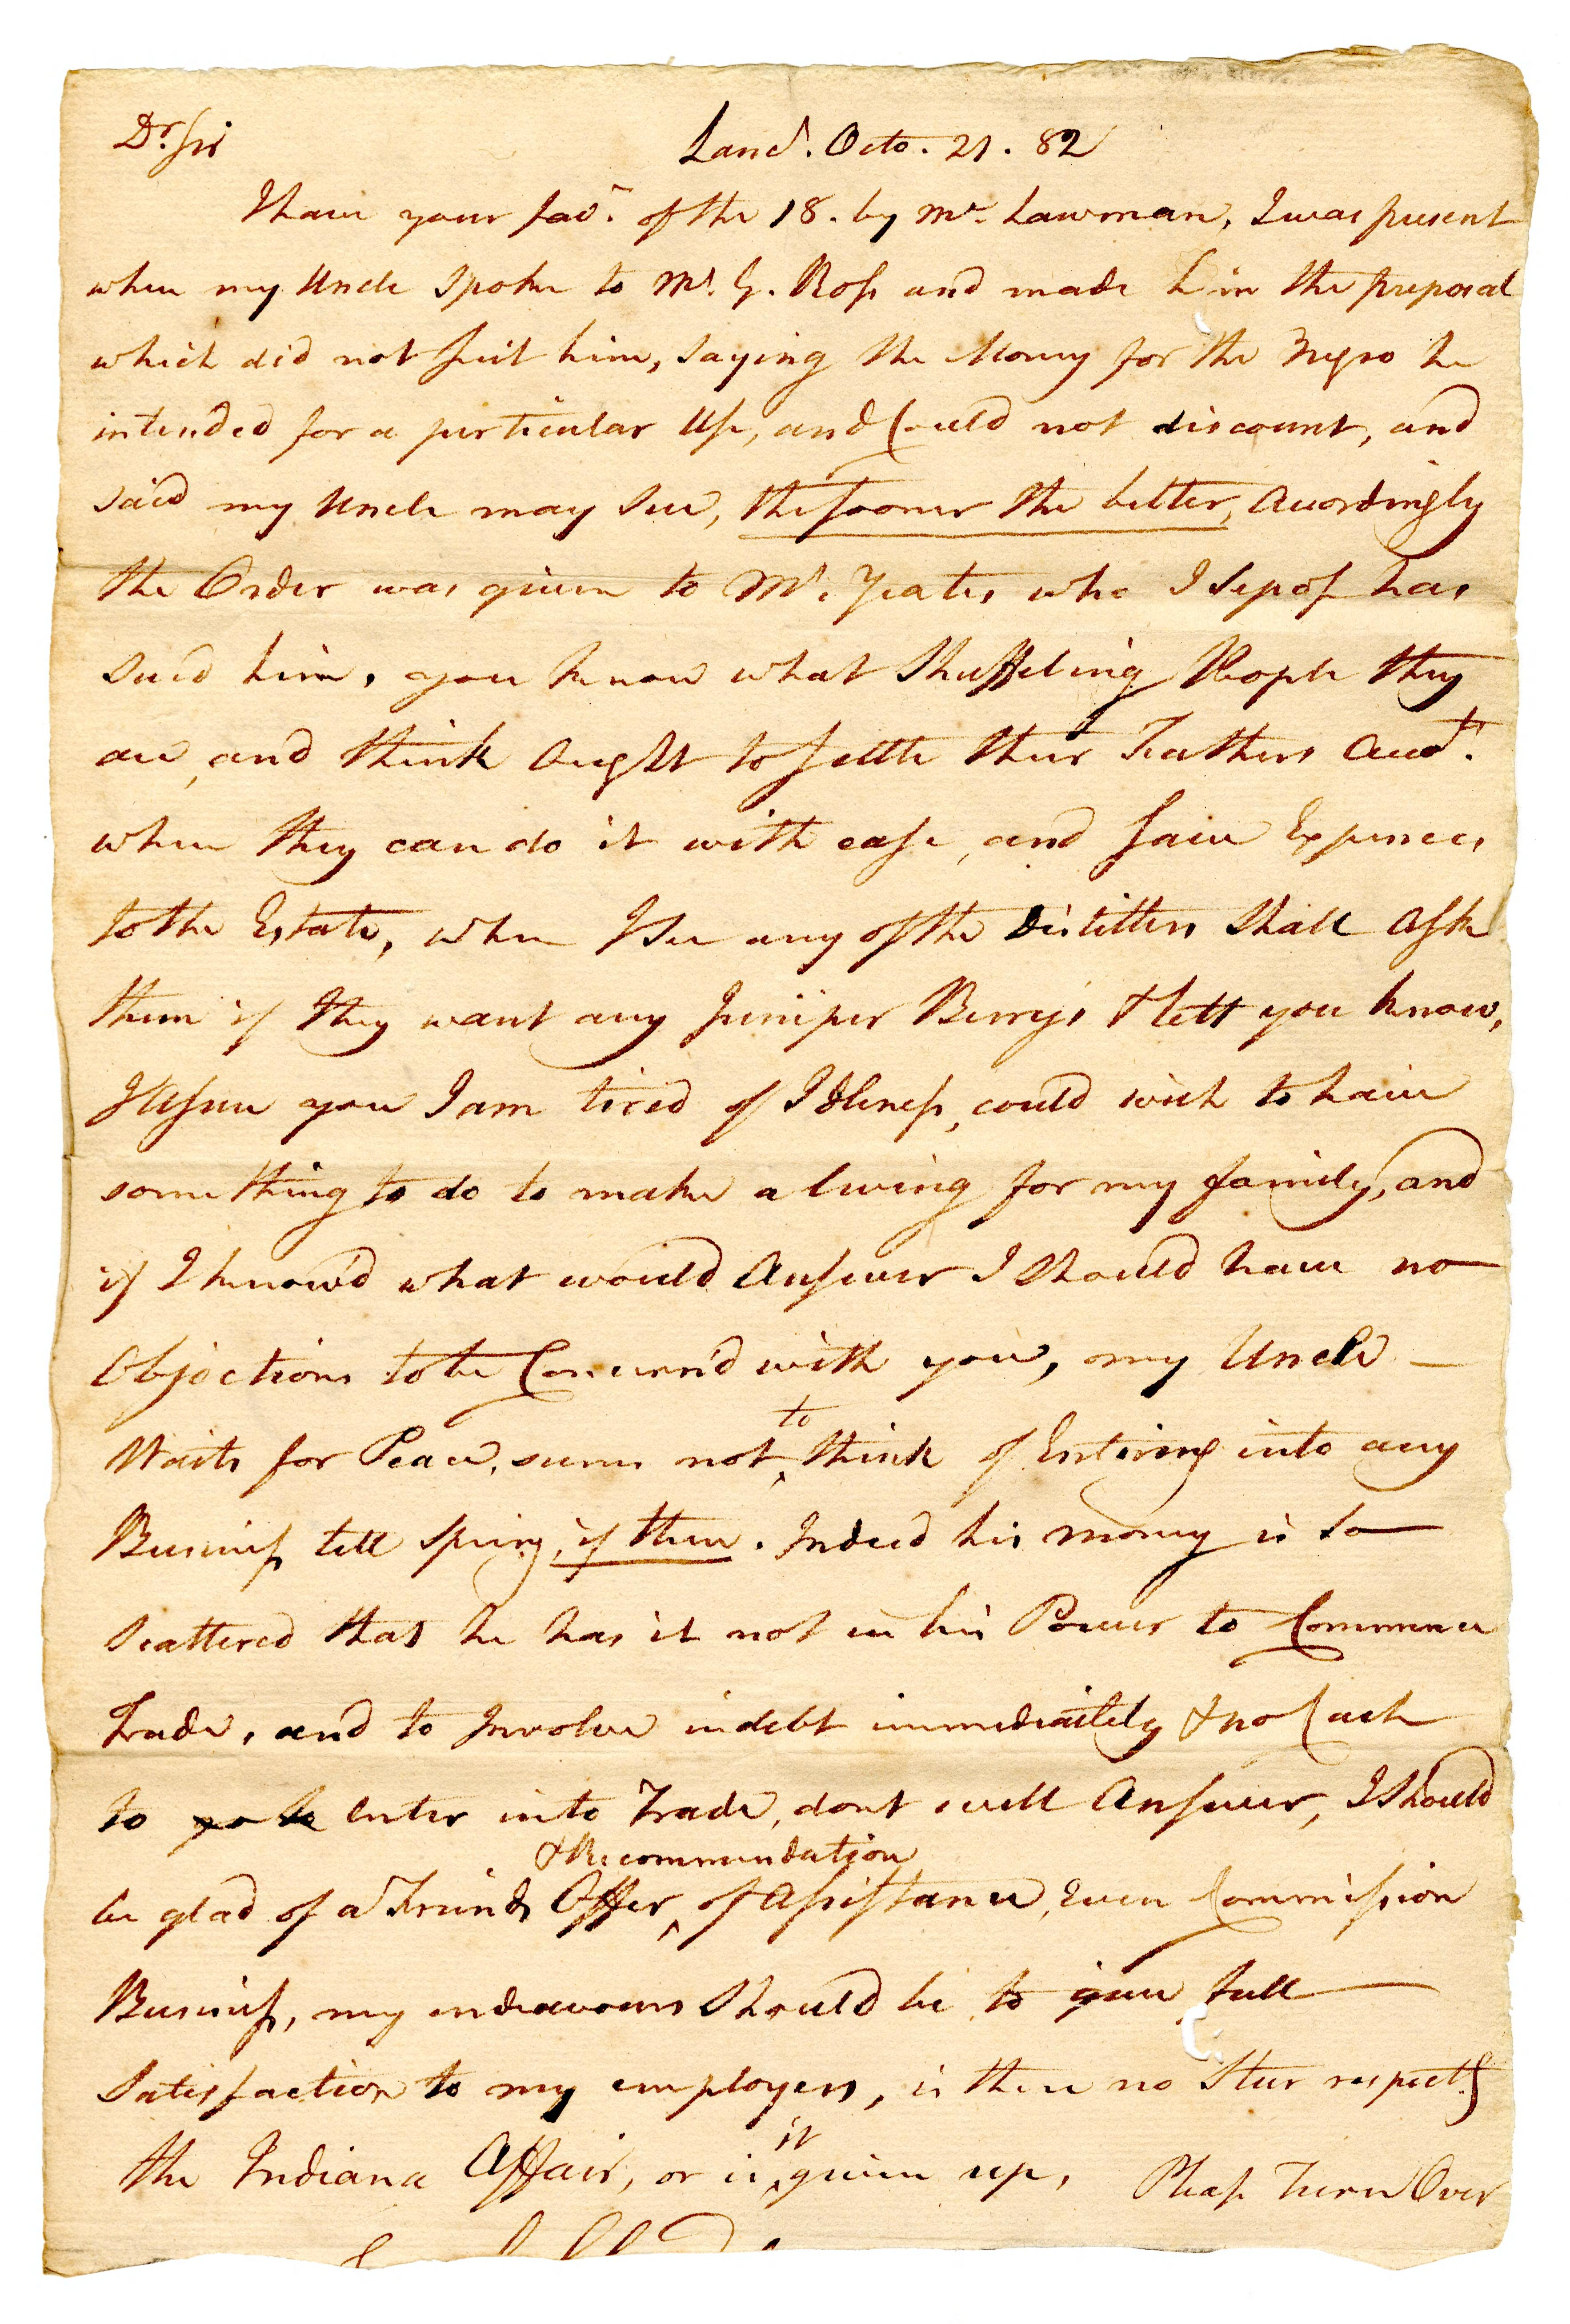Lanc^r. Octo. 21. 82
D^r Sir
I have your fav^r. of the 18. by M^r. Lawman, I was present
when my Uncle spoke to M^r. G. Ross and made him the proposal
which did not suit him, saying the Money for the nyrs he
intended for a particular use, and Could not discount, and
said my Uncle may sue, the sooner the better, Accordingly
the Order was given to M^r. Yeates who I supose has
sued him, you know what Shuffeling People they
are, and think ought to settle their Fathers Acco^t.
when they can do it with ease, and save Expences
to the Estate, when I see any of the Distillers shall ask
them if they want any Juniper Berrys & lett you know,
I asure you I am tired of stench, could wish to have
something to do to make a living for my family, and
if I know'd what would answer I should hav no
Objections to be Concern'd with you, only Uncle.-
Waits for Peace some not ^ think of Entering into any
to
Business till spring, if then. Indeed his money is so
Scattered that he has it not in his power to Commence
Trade, and to Involve in debt immediately & no Cash
to [____] enter into Trade, dont well Answer, I Should
be glad of a Friends Offer ^ of Assistance Even Commission
& Recommendation
Business, my endeavors should be to give full
Satisfaction to my employers, is there no Steer respect^g
the Indiana Affair, or is ^ given up, Please turn Over
it